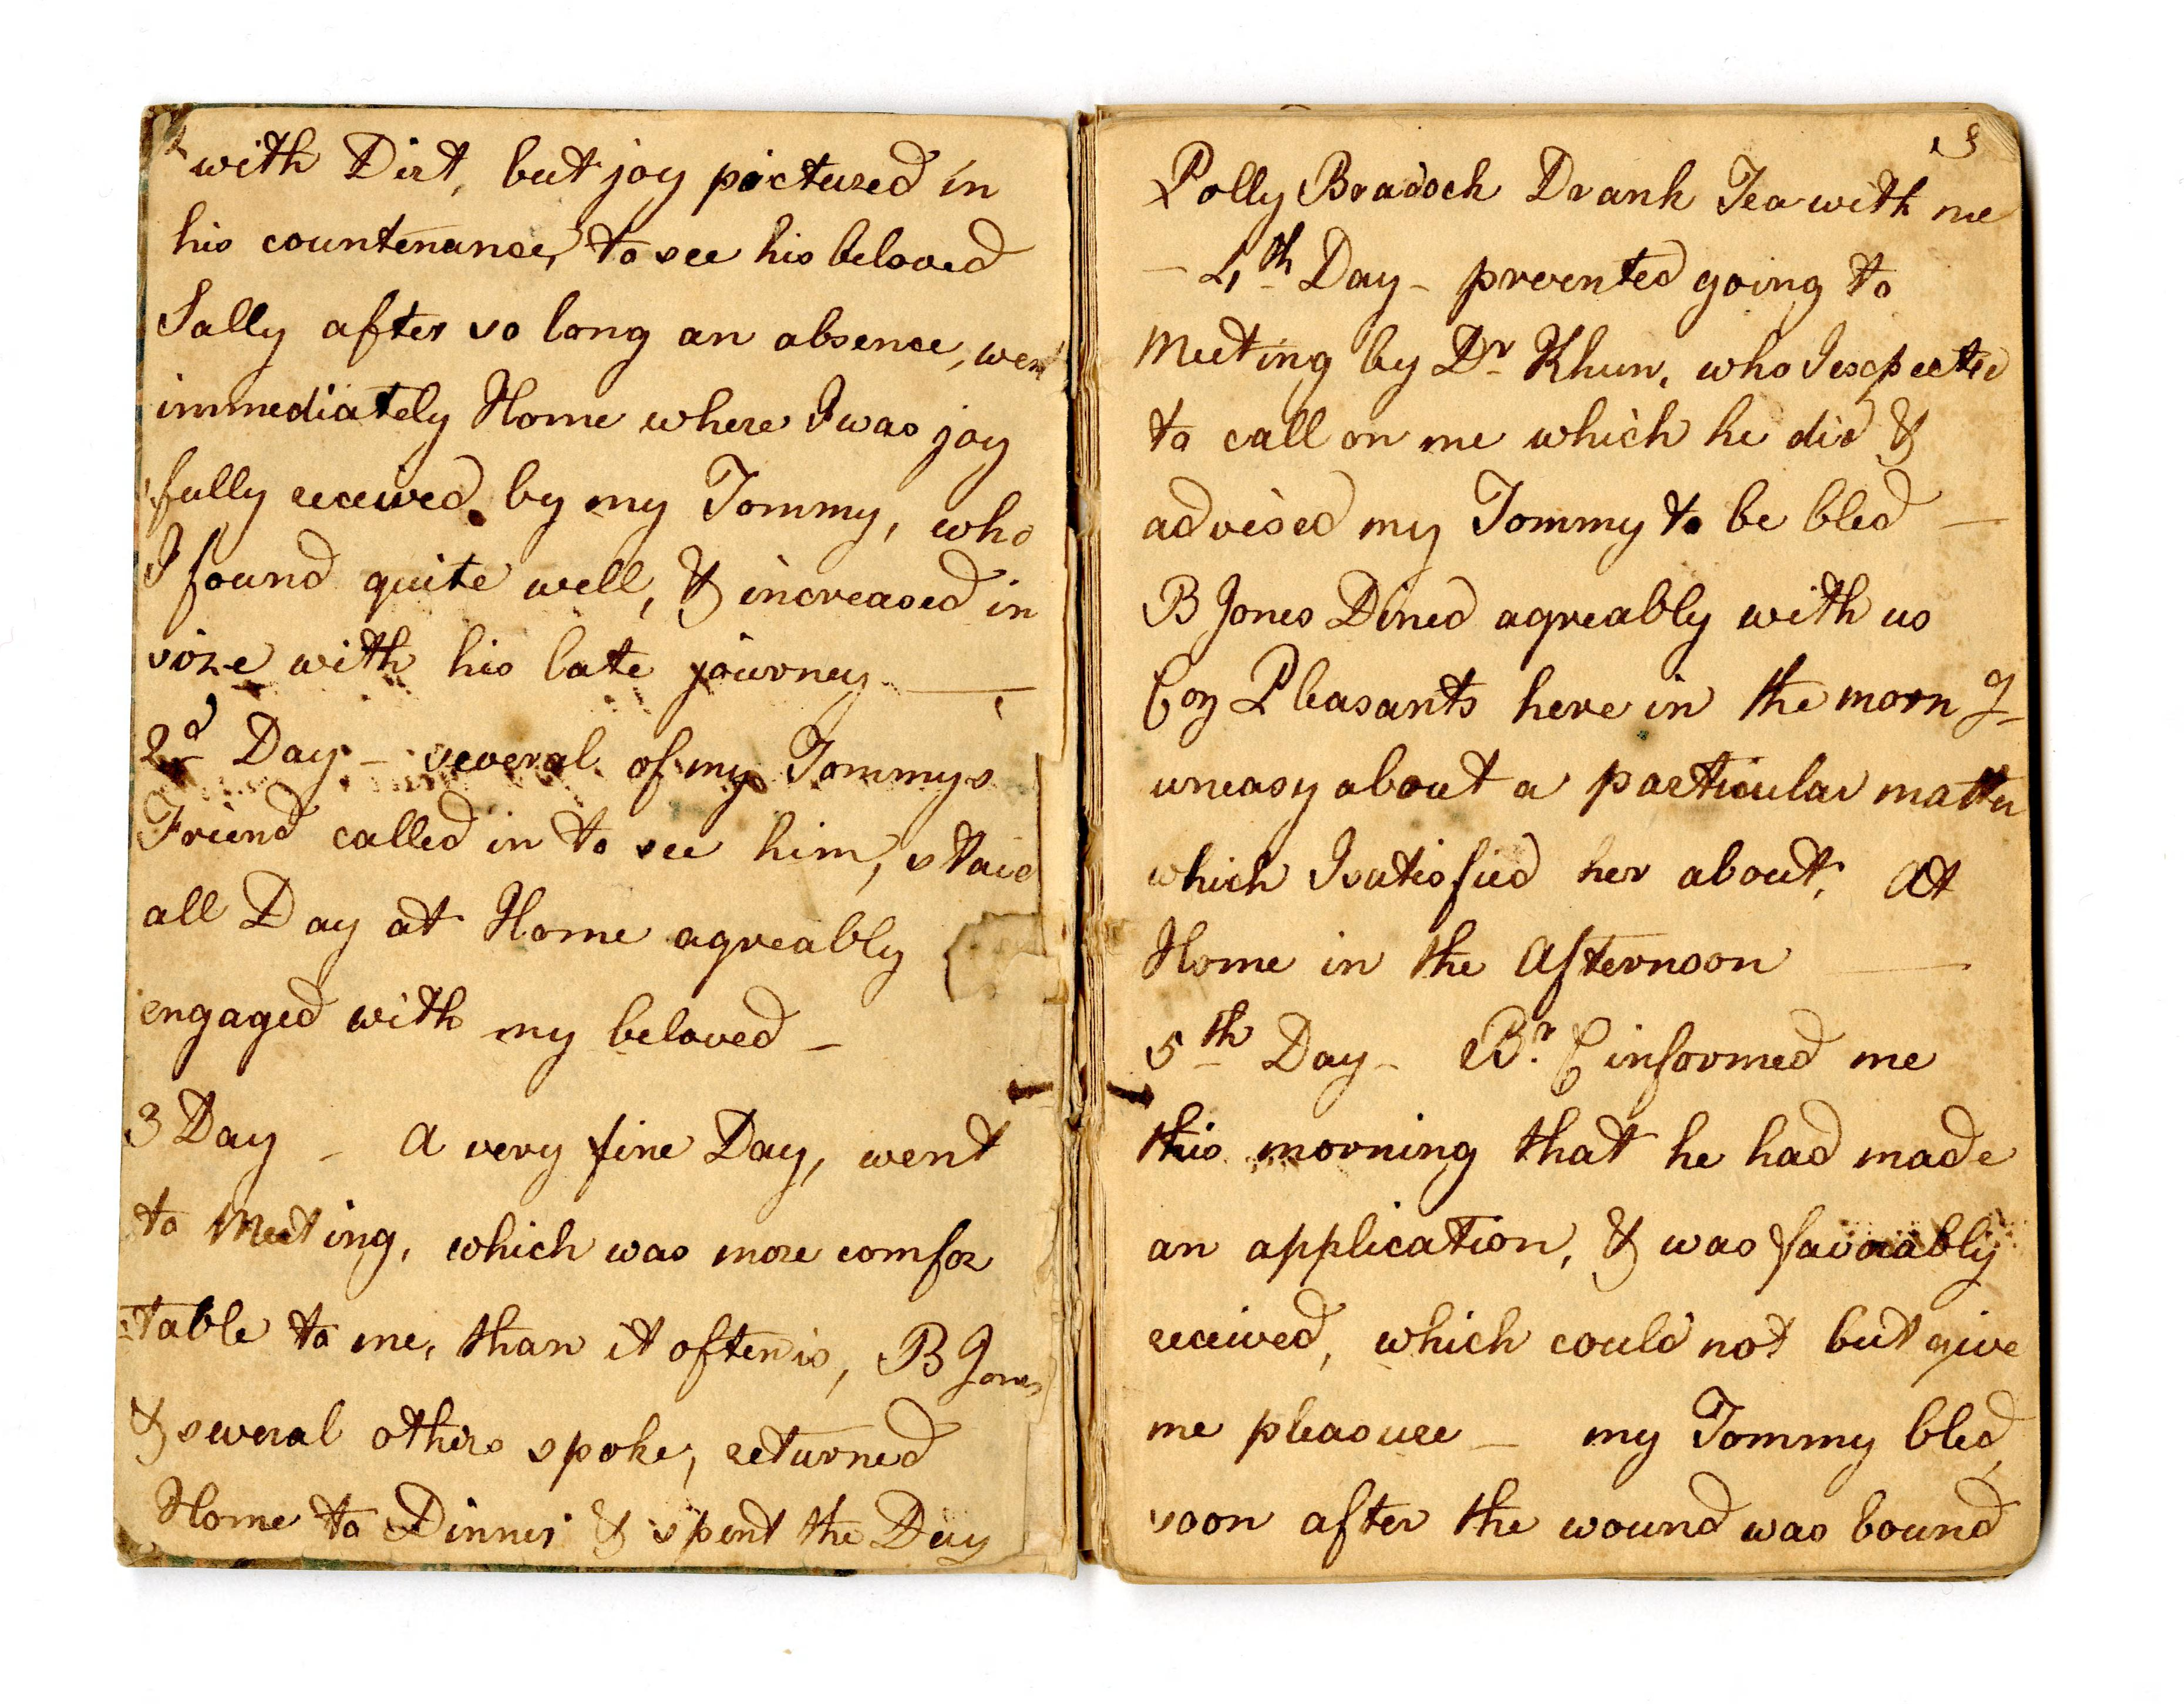2
with Dirt, but joy pictured in
his countenance, to see his beloved
Sally after so long an absence, went
immediately Home where I was joy
-fully received by my Tommy, who
I found quite well, & increased in
size with his late journey
2^d Day- several of my Tommys
Friend called in to see him, staid
all Day at Home agreably
engaged with my beloved-
3 Day- A very fine Day, went
to Meeting, which was more comfor
-table to me, than it often is, B Jones,
& several others spoke, returned
Home to Dinner & spent the Day
3
Polly Bradock Drank Tea with me
4^th Day- prevented going to
Meeting by D^r Khun, who I expected
to call on me which he did &
advised my Tommy to be bled
B Jones Dined agreably with us
Coz Pleasants here in the morn^g
uneasy about a particular matter
which I satisfied her about, At
Home in the Afternoon
5^th Day- B^r. C informed me
this morning that he had made
an application, & was favorably
received, which could not but give
me pleasure- my Tommy bled
soon after the wound was bound